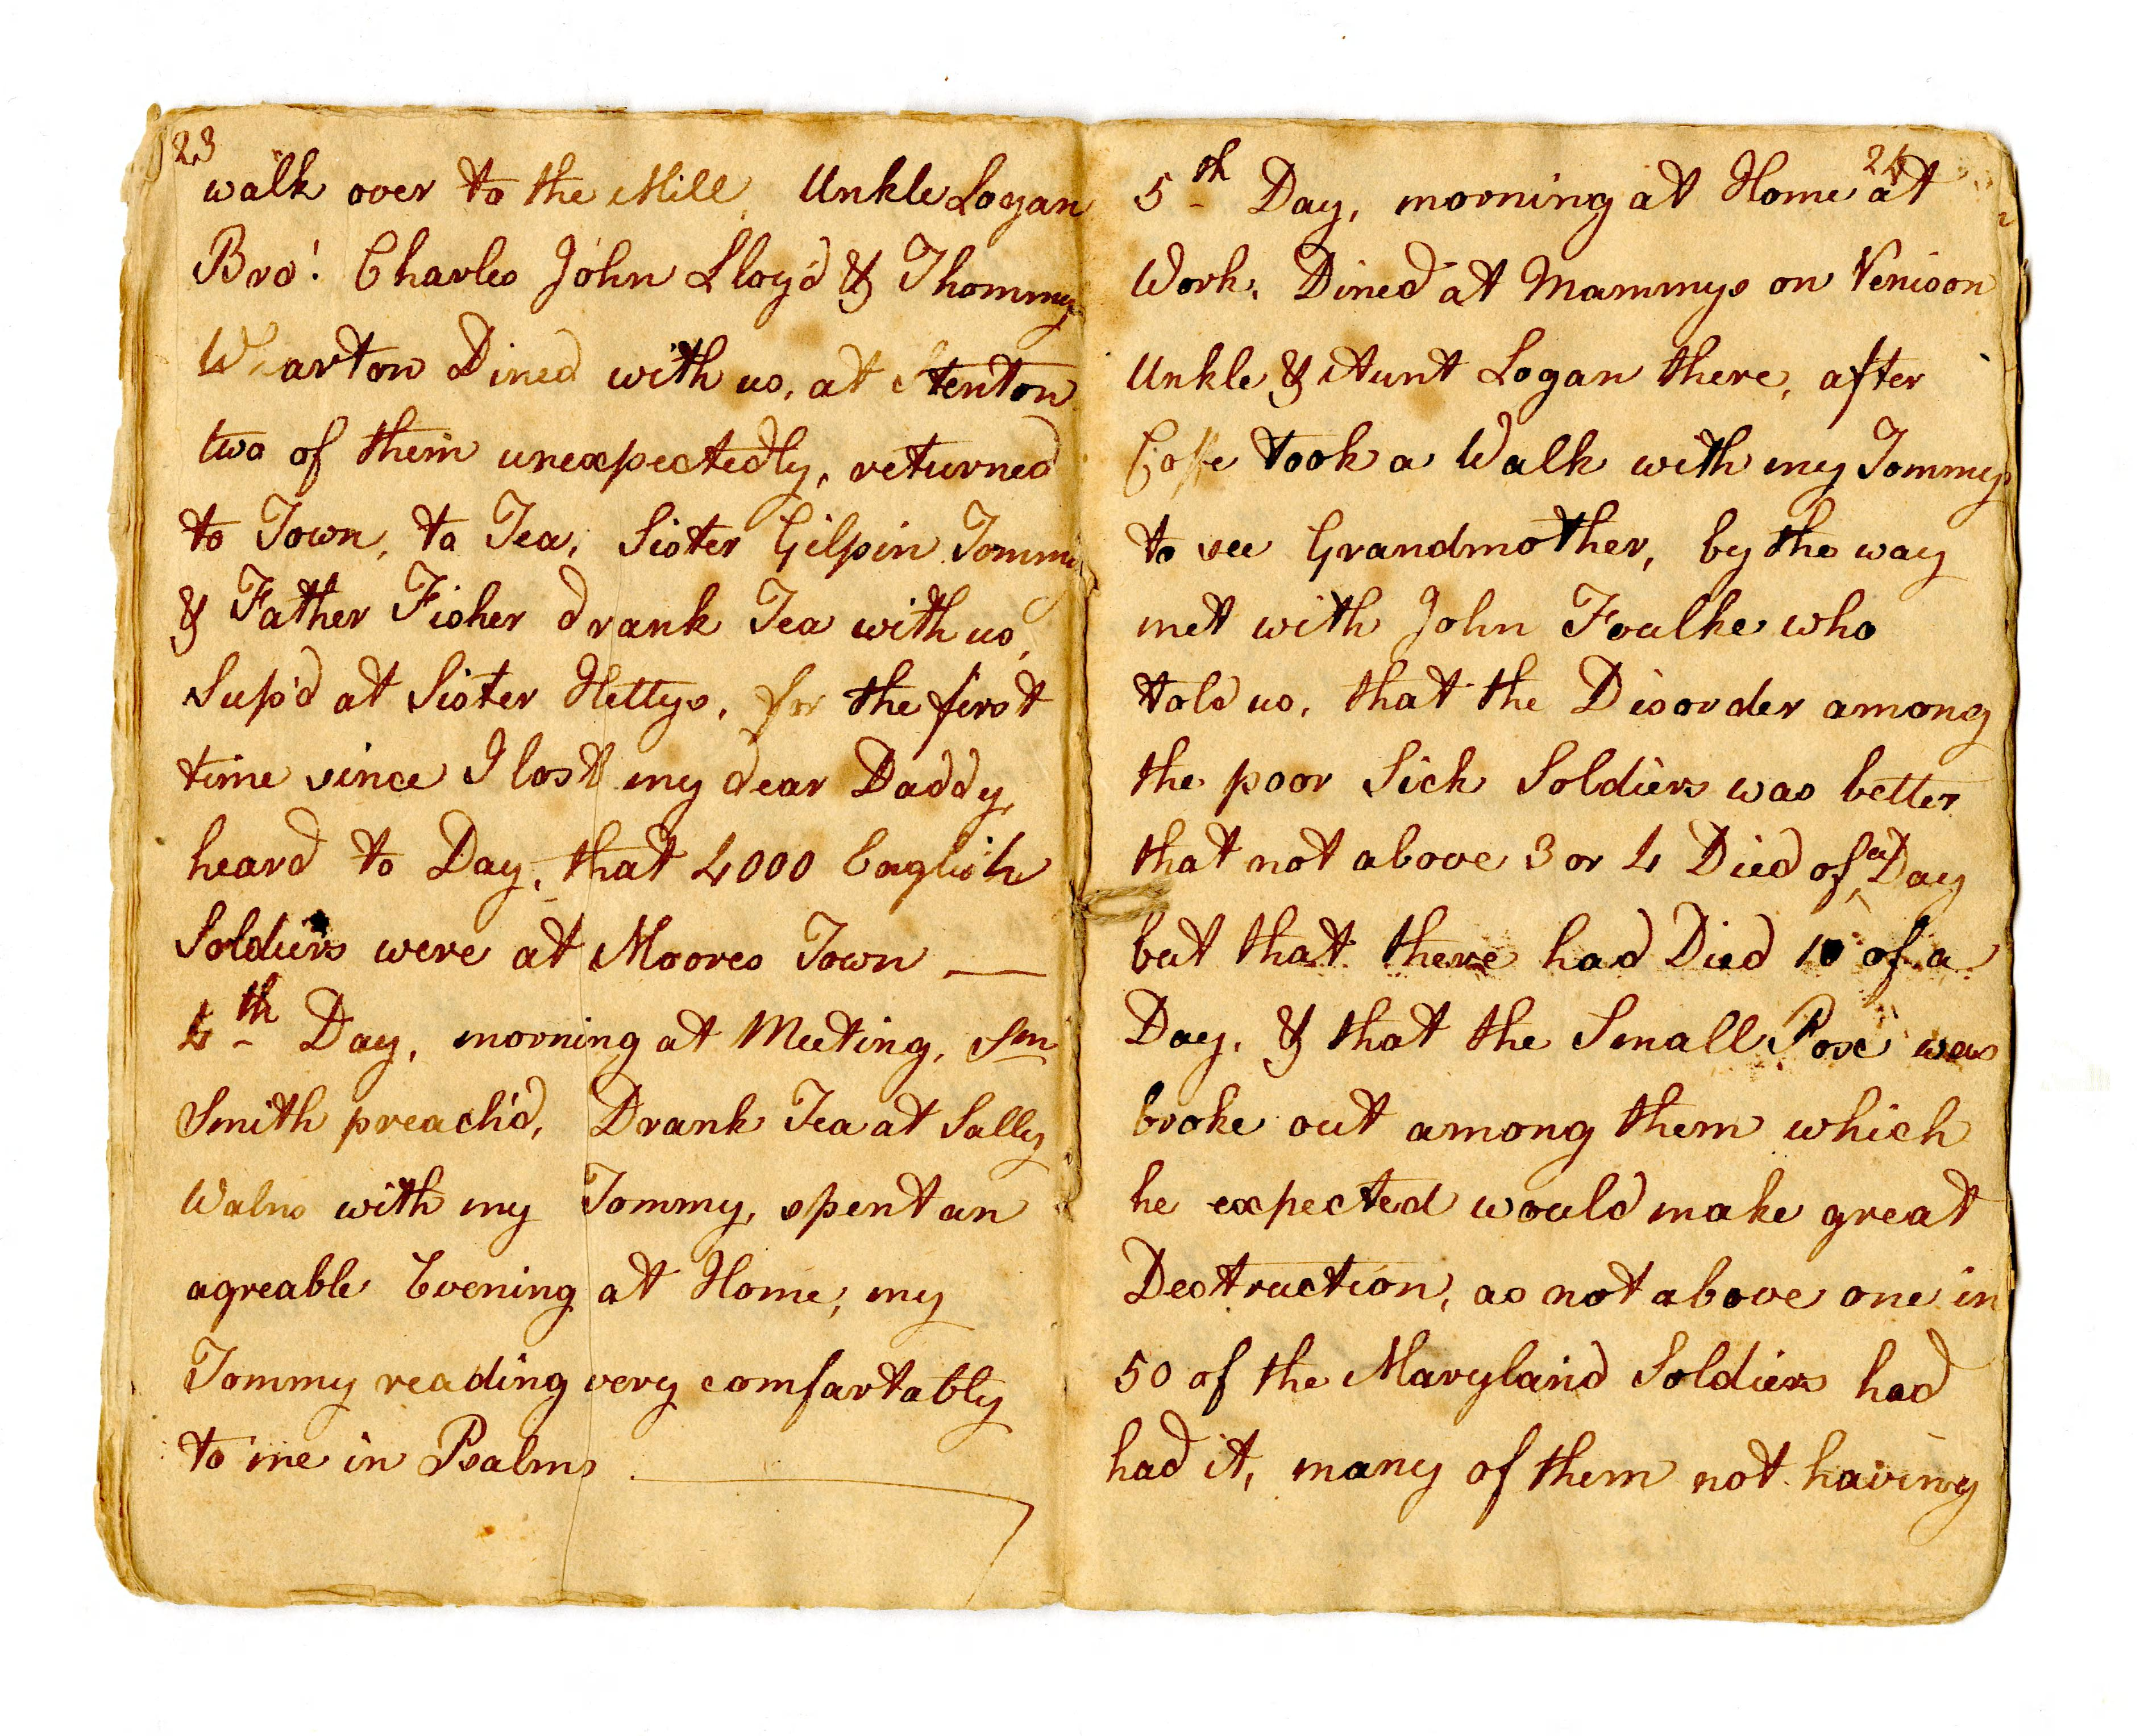walk over to the Hill, Unkle Logan
Bro' Charles John Lloyd & Thommy
Wharton Dined with us, at Stenton
two of them unexpectedly, returned
to Town, to Tea, Sister Gilpin Tommy
& Father Fisher drank Tea with us,
Sup'd at Sister Hettys, for the first
time sine I lost my dear Daddy,
heard to Day, that 4000 English
Soldiers were at Moores Town -
4^th Day, morning at Meeting, S^m
Smith preach'd, Drank Tea at Sally
Walns with my Tommy, spent an
agreable Evening at Home, my
Tommy reading very comfortably
to me in Psalms
5^th Day, morning at Home at
Work, Dined at Mammys on Venison
Unkle & Aunt Logan there, after
Coffe took a Walk with my Tommy
to see Grandmother, by the way
met with John Foulke who
told us, that the Disorder among
the poor Sick Soldiers was better
that not above 3 or 4 Died of ^a Day
but that there had Died 10 of a
Day, & that the Small Pox was
broke out among them which
he expected would make great
Destruction, as not above one in
50 of the Maryland Soldiers had
had it, many of them not having